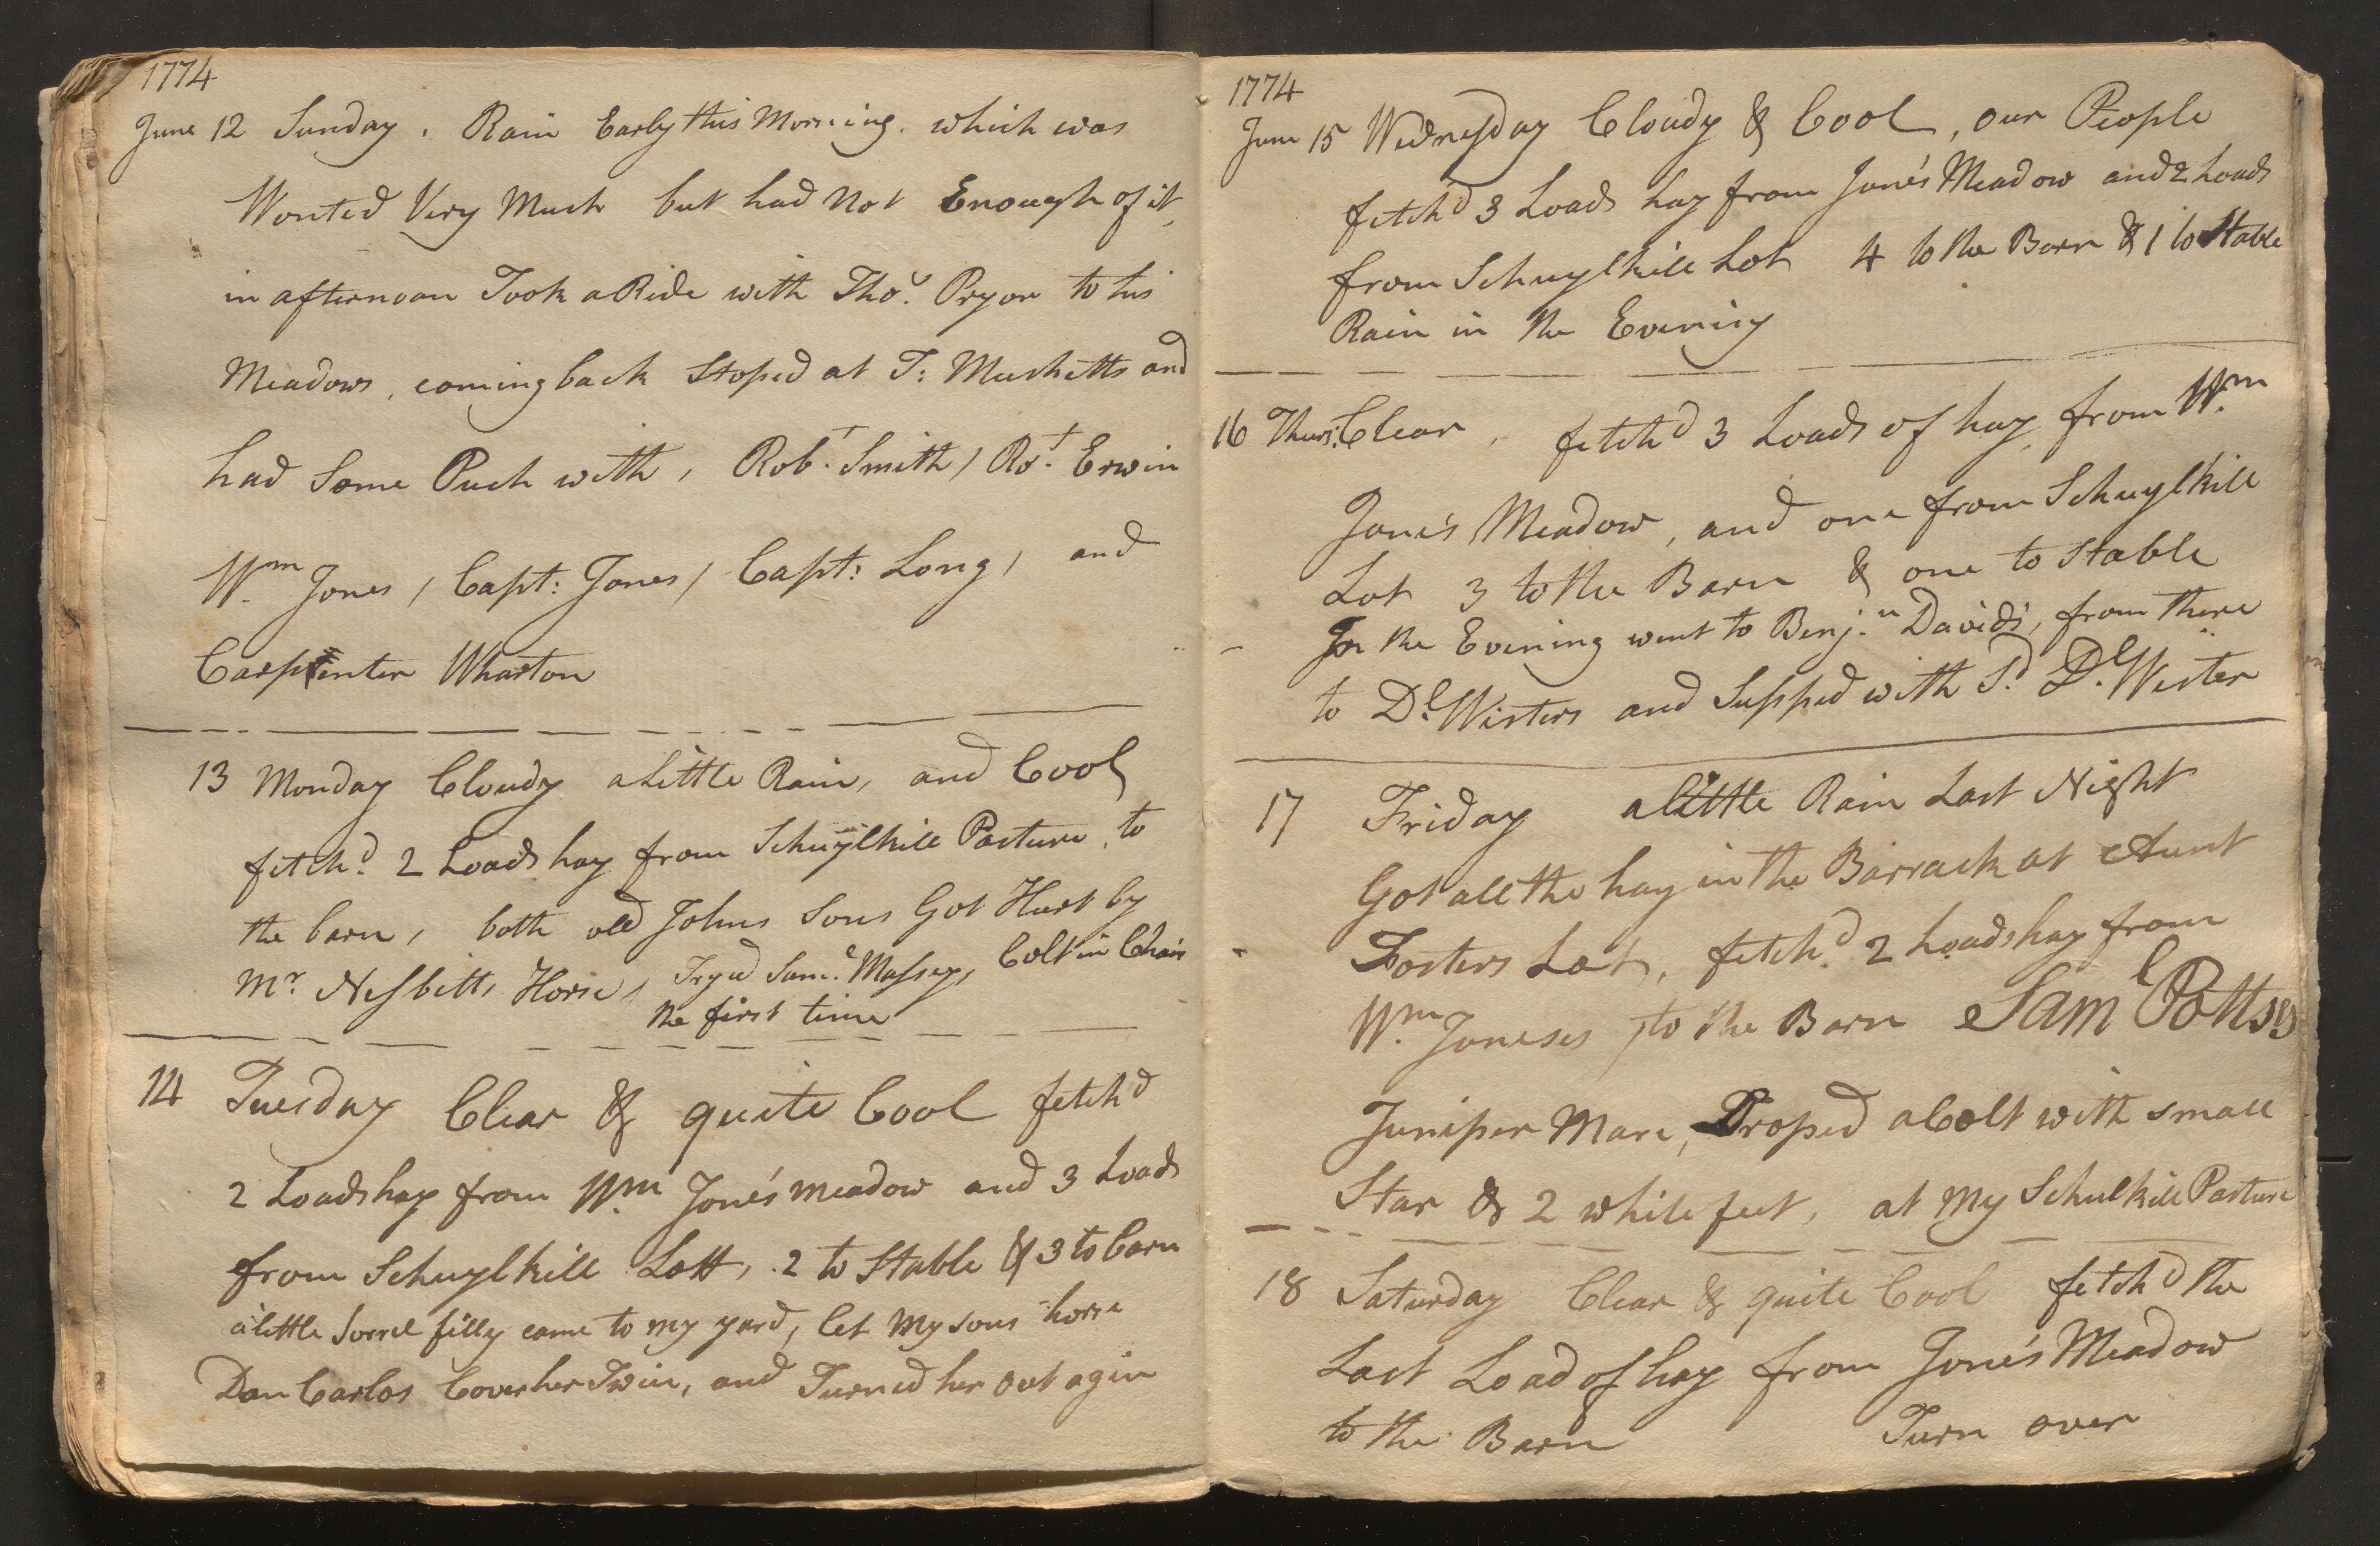1774
June 12 Sunday. Rain Early this Morning. which was
Wanted Very Much but had not Enough of it
in afternoon Took a Ride with Tho^s. Pryor to his
Meadows, coming back stoped at T: Mushetts and
had Some Puch with, Rob^t. Smith, Ro^t. Erwin
W^m. Jones, Capt. Jones, Capt^. Long, and
Carpenter Wharton
13 Monday Cloudy a Little Rain, and Cool
fetch^d. 2 Loads hay from Schuylkill Pasture to
the barn, both old Johns Sons Got Hurt by
M^r. Nesbetts Horse
Tryed Sam^l. Massey, Colt in Chair
the first time
1 Tuesday Clear & quite Cool fetch^d
2 Loads hay from W^m Jone's Meadow, and 3 Load.
from Schuylkill Lott, 2 to Stable & 3 to Corn
a little Sorrel filly came to my yard, let My sons horse
Dan Carlos Cover her Twin, and Turned her out agin
1774
June 15 Wednesday Cloudy & Cool, our People
fetch^d 3 Loads hay from Jones Meadow and 2 Loads
from Schuylkill Lot 4 to the Barn & 1 to Stable
Rain in the Evening
16 Thurs: Clear, fetch^d 3 Loads of hay, from W^m.
Jone's Meadow, and one from Schuylkill
Lot 3 to the Barn & one to stable
In the Evening went to Beng^n Davids, from there
to D^l. Wisters and Supped with s^d. D^l. Wister
17 Friday, a little Rain Last Night
Got all the hay in the Barrack at Aunt
Fosters Lot. fetch^d. 2 Loads hay from
W^m. Joneses to the Barn Sam^l Pottses
Juniper Mare Droped a Colt with small
Star & 2 white feet, at My Schulkill Pasture
18 Saturday Clear & quite Cool fetch^d the
Last Load of hay from Jone's Meadow
to the Barn
Turn over